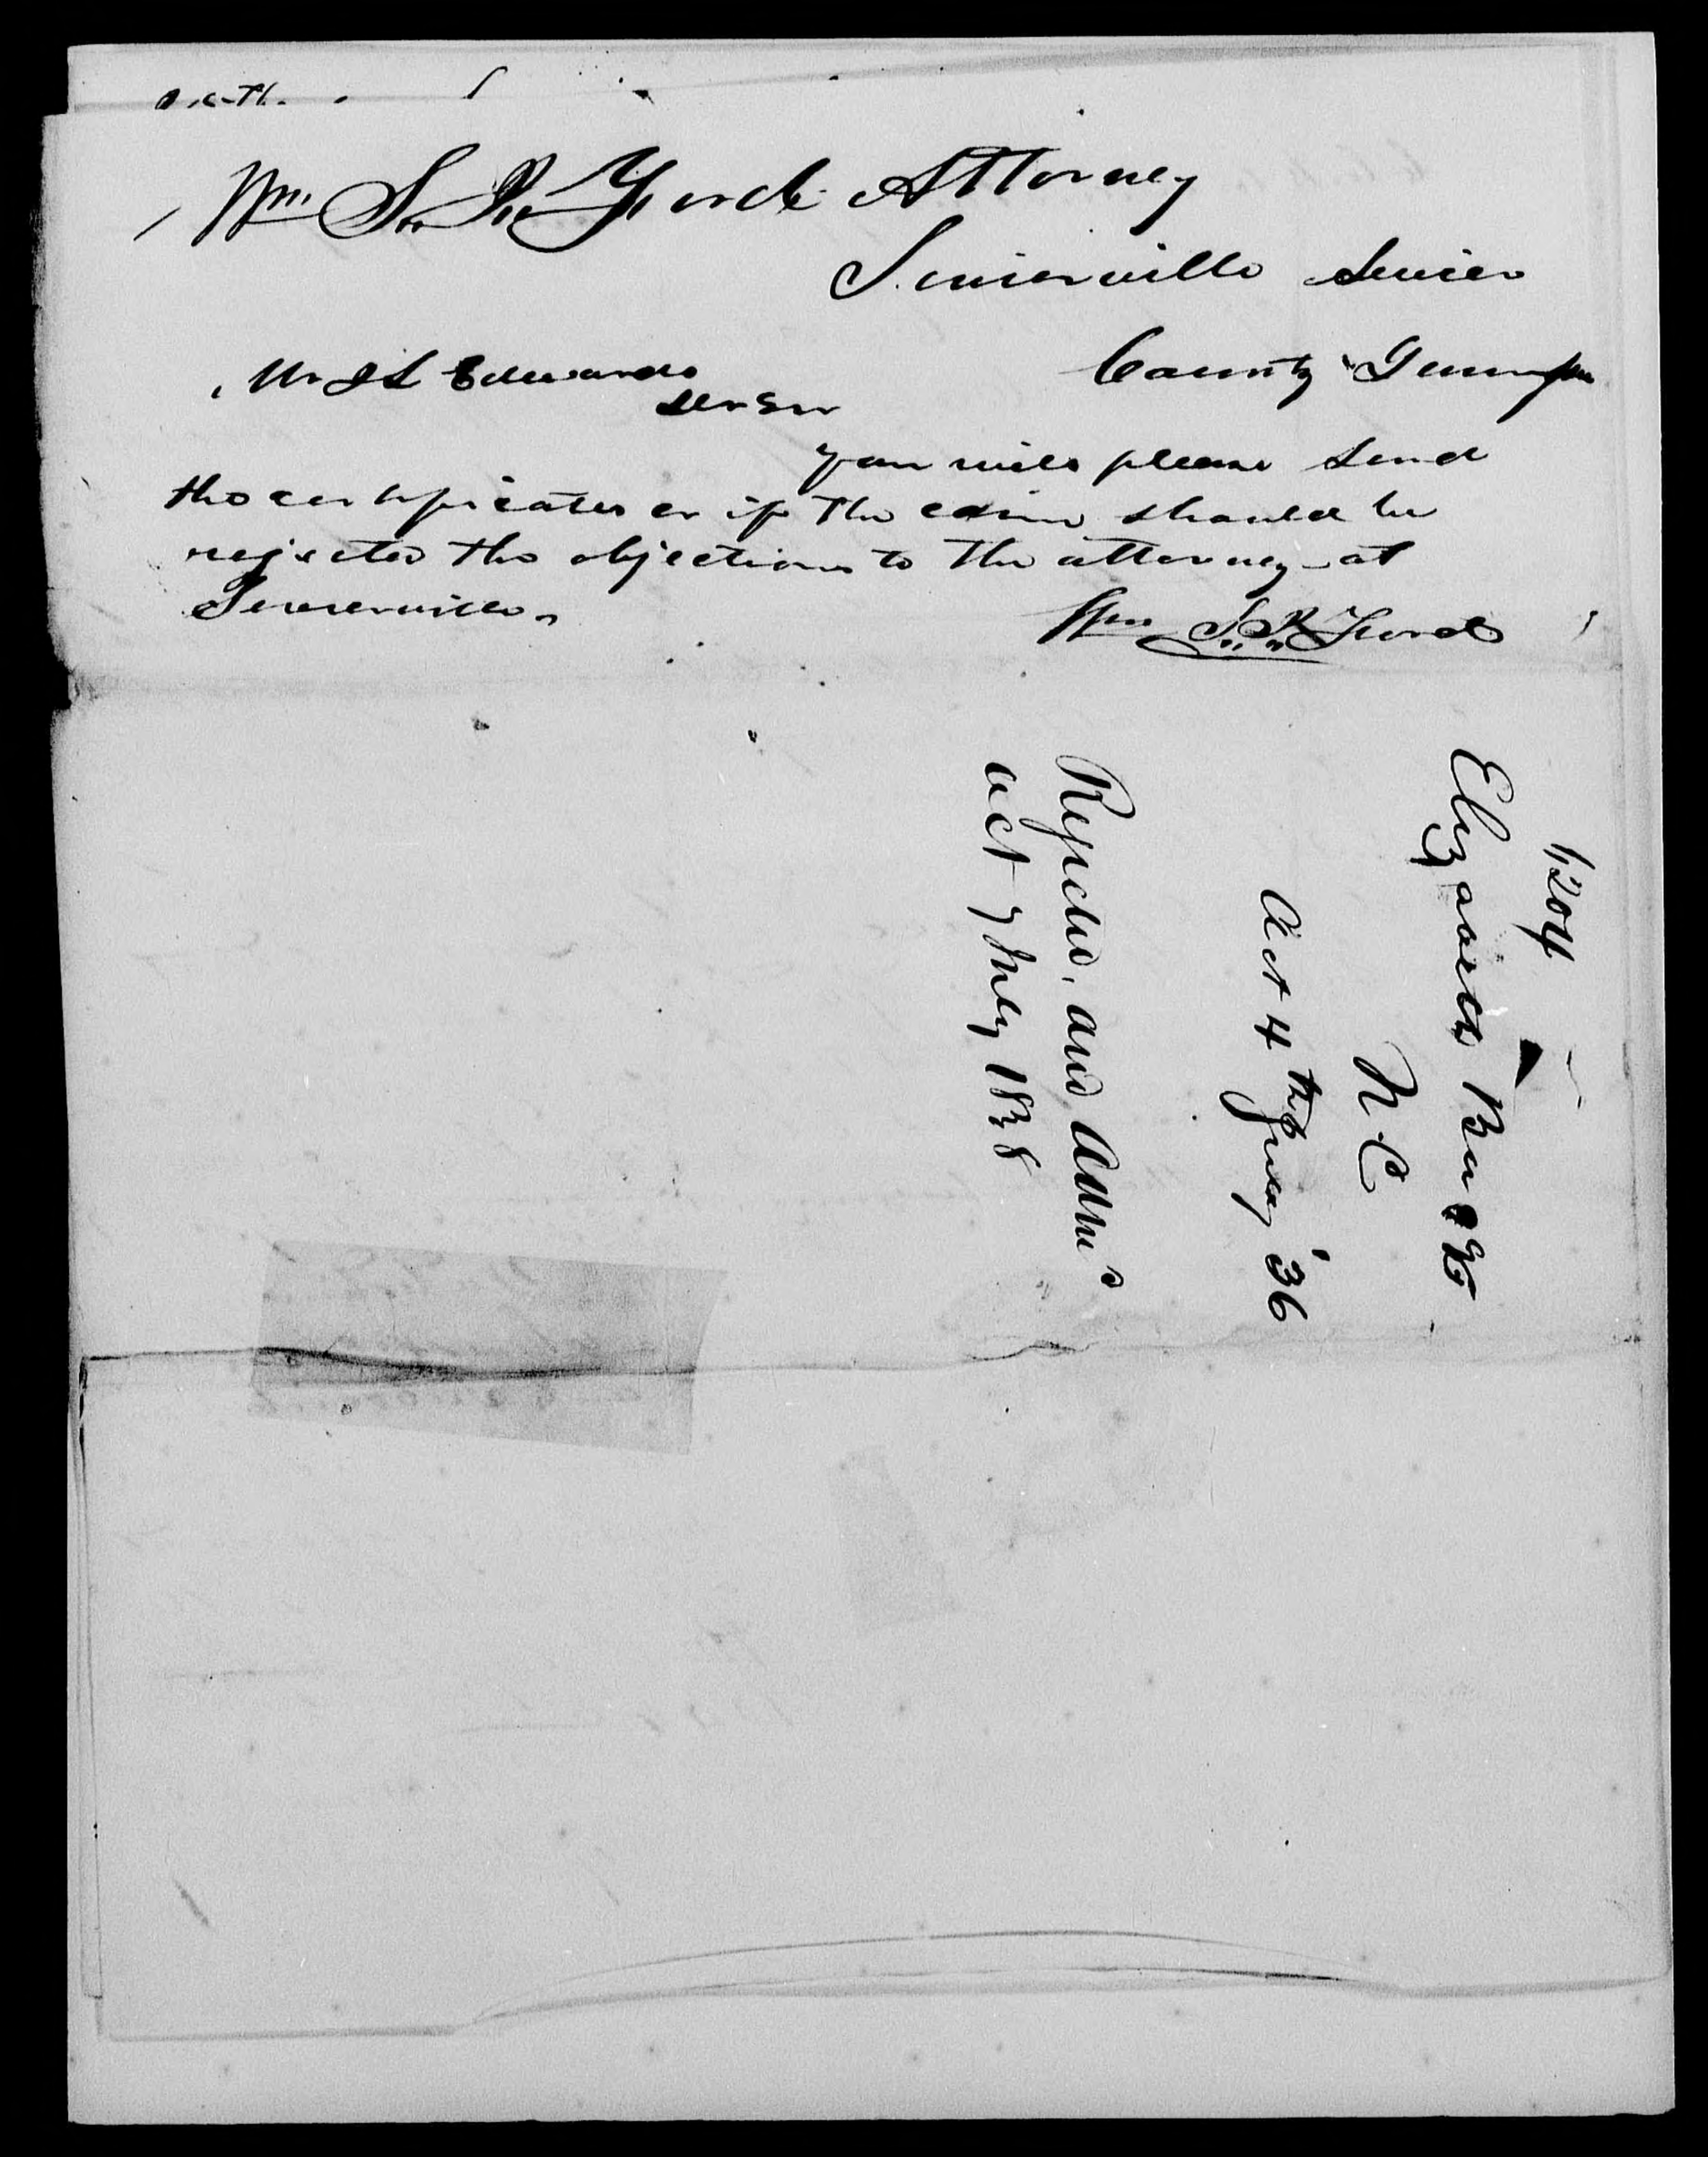Wm. S. P.  [or Wm S. J.] [then the following surname may be] Ford  Attorney
Sevierville  Sevier County  Tennessee

Mr.  S [or J L] Edwards
Der Sir
You will please Send the certificates or if the caim should be rejected the objection [or objections] to the atterney_at Sevierville. Wm S. P. Ford

[Below the above, there appears another individual's handwriting, written sideways, which reads] 1,204
Elizabeth Bugg
NC
Oct 4th July '36 [1836]
Rejected, and Admd
Oct 7 July 1838

[A peice of tape appears to have been placed to mend a torn edge in the document.]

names: Elizabeth Buggs, Wm S J Ford, Wm S J Ford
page: 7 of 50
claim: widow's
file: W. 898, William Bugg, N.C.